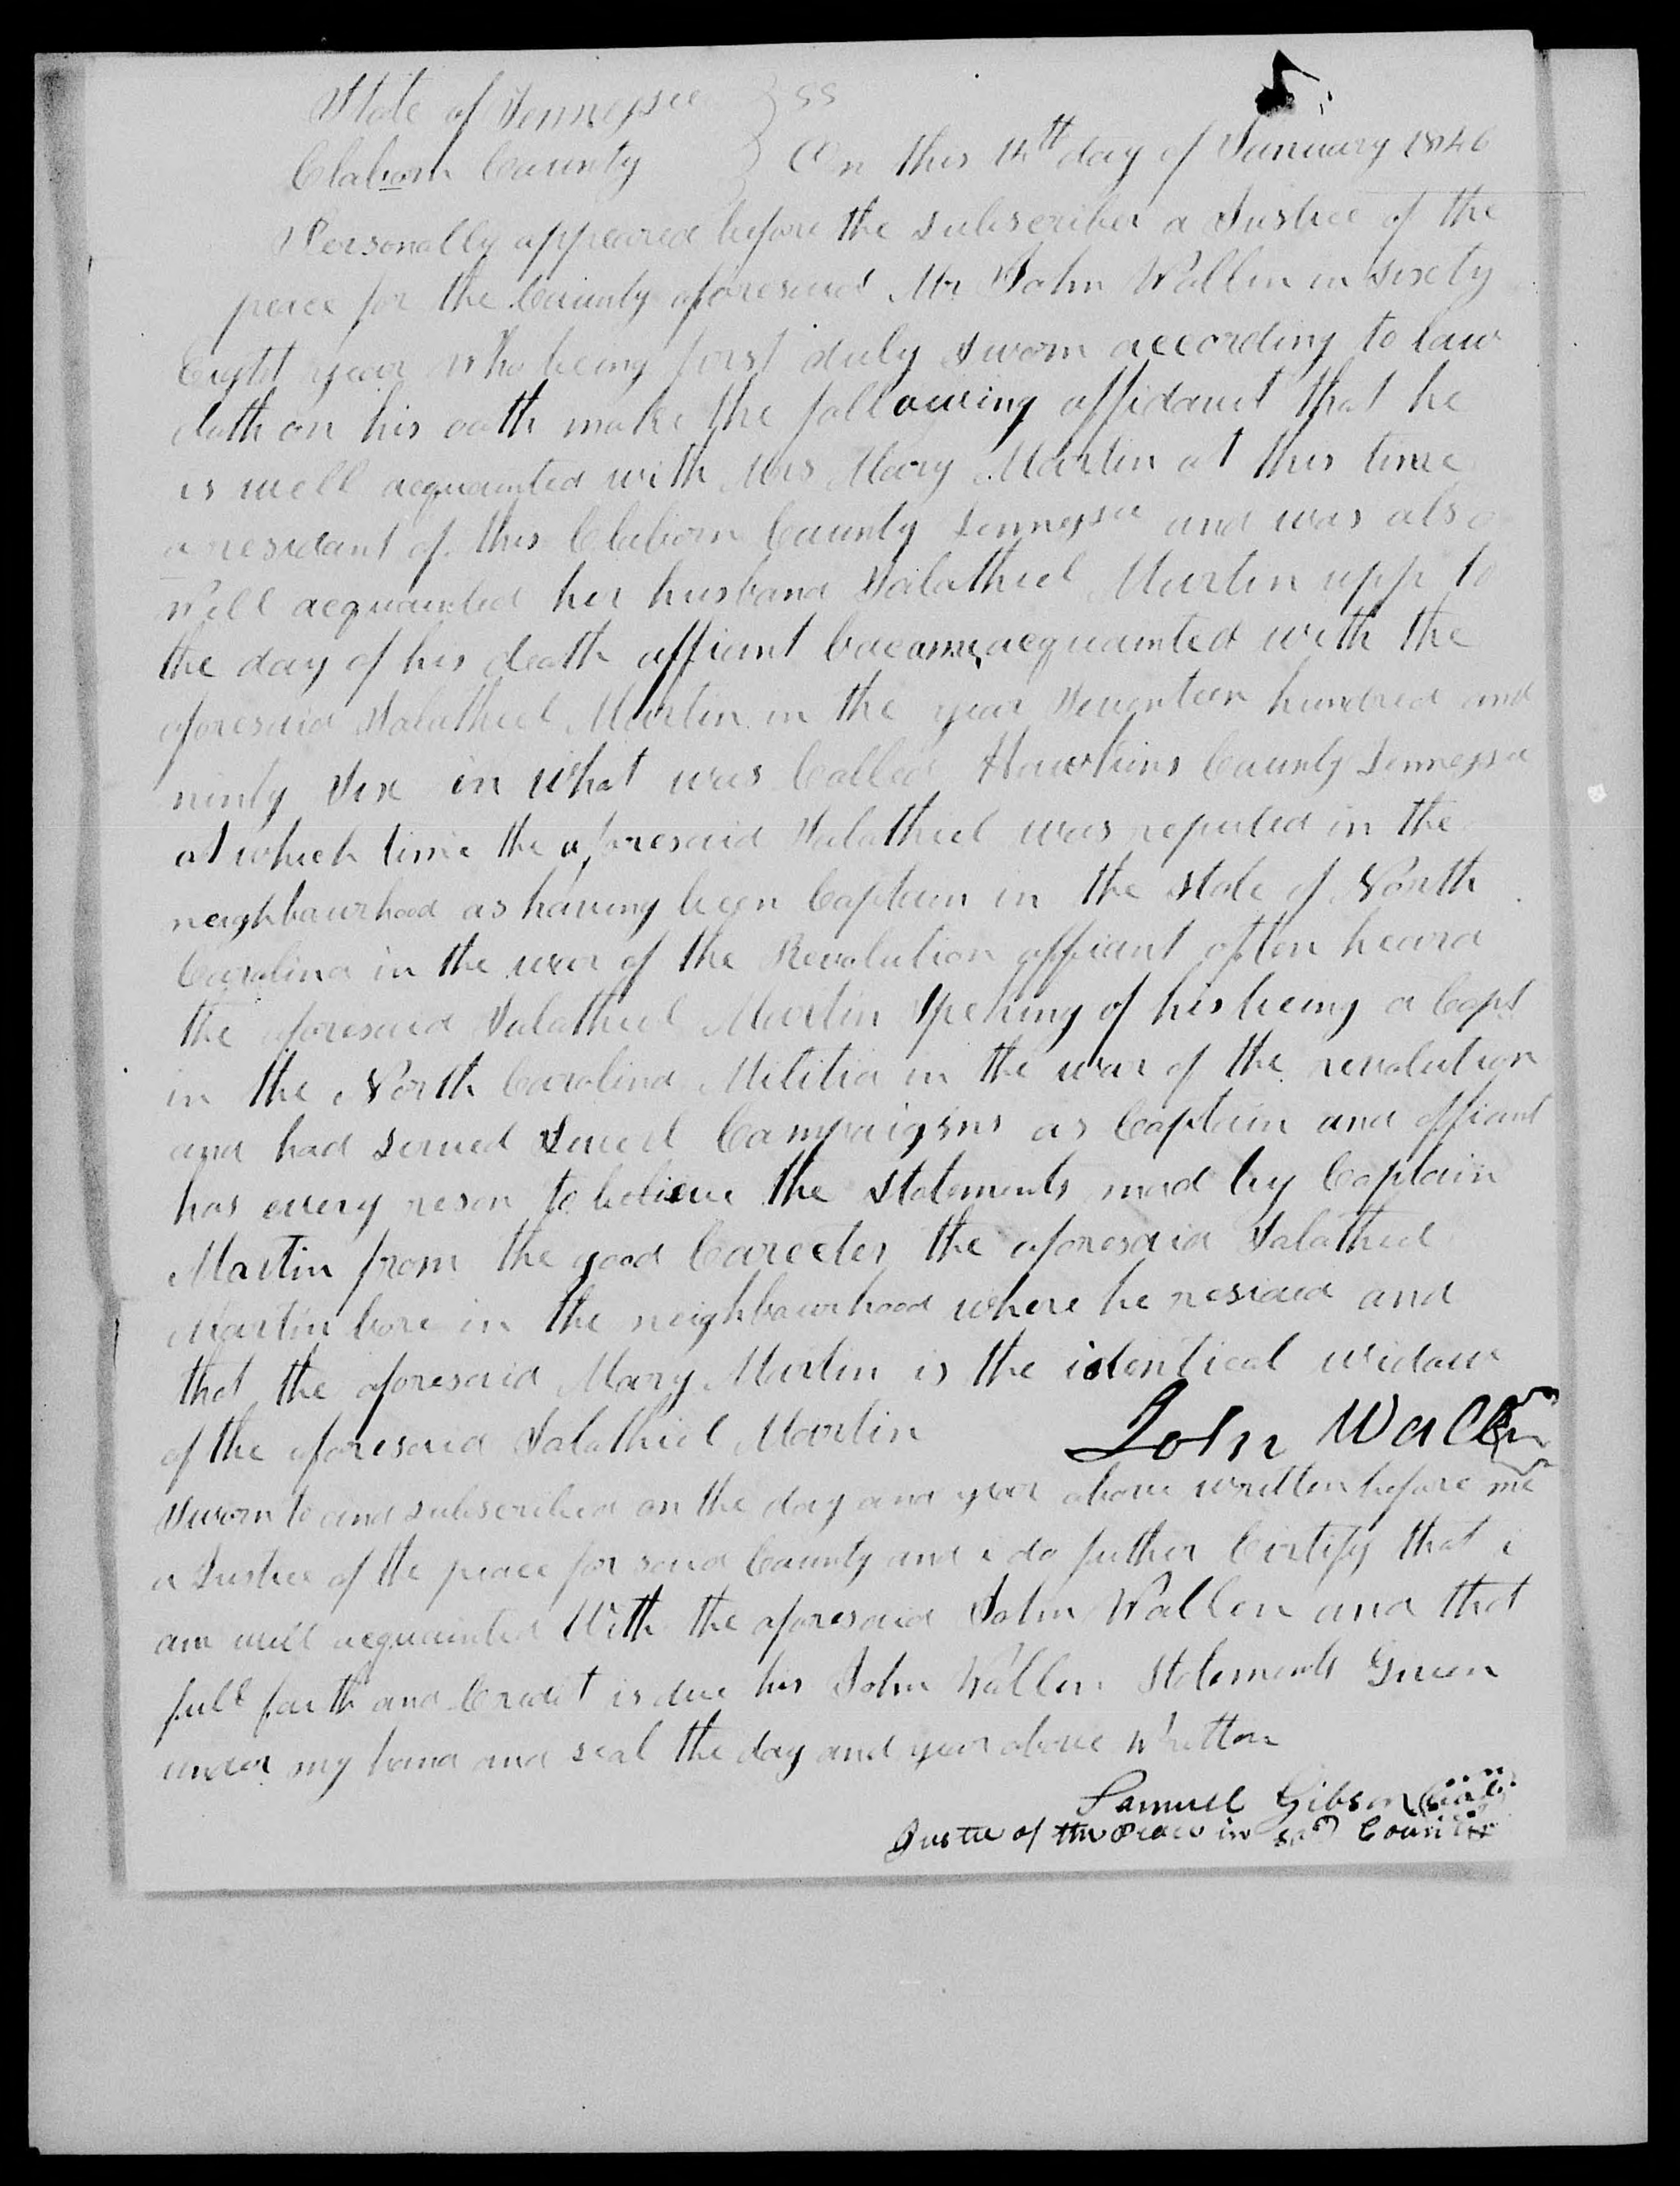State of Tennessee               ) ss
Claborn [Claiborne] County )
On this 11th day of January 1840
Personally appeared before the subscriber a Justice of the
peace for the County aforesaid Mr John Wallen in sixty
Eight year who being first duly sworn according to law
doth on his oath make the following affidavit that he
is well acquainted with Mrs Mary Martin at this time
a resident of this Claborn County Tennessee and was also
well acquainted her husband Salathiel Martin upp [up] to
the day of his death affiant became acquainted with the
aforesaid Salathiel Martin in the year seventeen hundred and
ninty [ninety] six in what was Called Hawkins County Tennessee
at which time the aforesaid Salathiel was reputed in the
neighbourhood [neighborhood] as having been Captain in the State of North 
Carolina
in the war of the Revolution affiant often heard
the aforesaid Salathiel Martin Speking [speaking] of his being a Capt
in the North Carolina Militia in the war of the revolution
and had served several Campaigns as Captain and affiant
has every reson [reason] to believe the Statements mad [made] by Captain
Martin from the good Caracter {character] the aforesaid Salathiel
Martin bore in the neighbourhood [neighborhood] where he resided and
that the aforesaid Mary Martin is the identical widow
of the aforesaid Salathiel Martin
John Wallen
Sworn to and subscribed on the day and year above written before me
a Justice of the peace for said County and I do further certify that I
am well acquainted with the aforesaid John Wallen and that
full faith and credit is due his John Wallen Statements Given
under my hand and seal the day and year above written
Samuel Gibson (seal)
Justice of the Peace in & for County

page: 67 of 120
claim: widow's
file: W. 1044, for Salathiel Martin, North Carolina